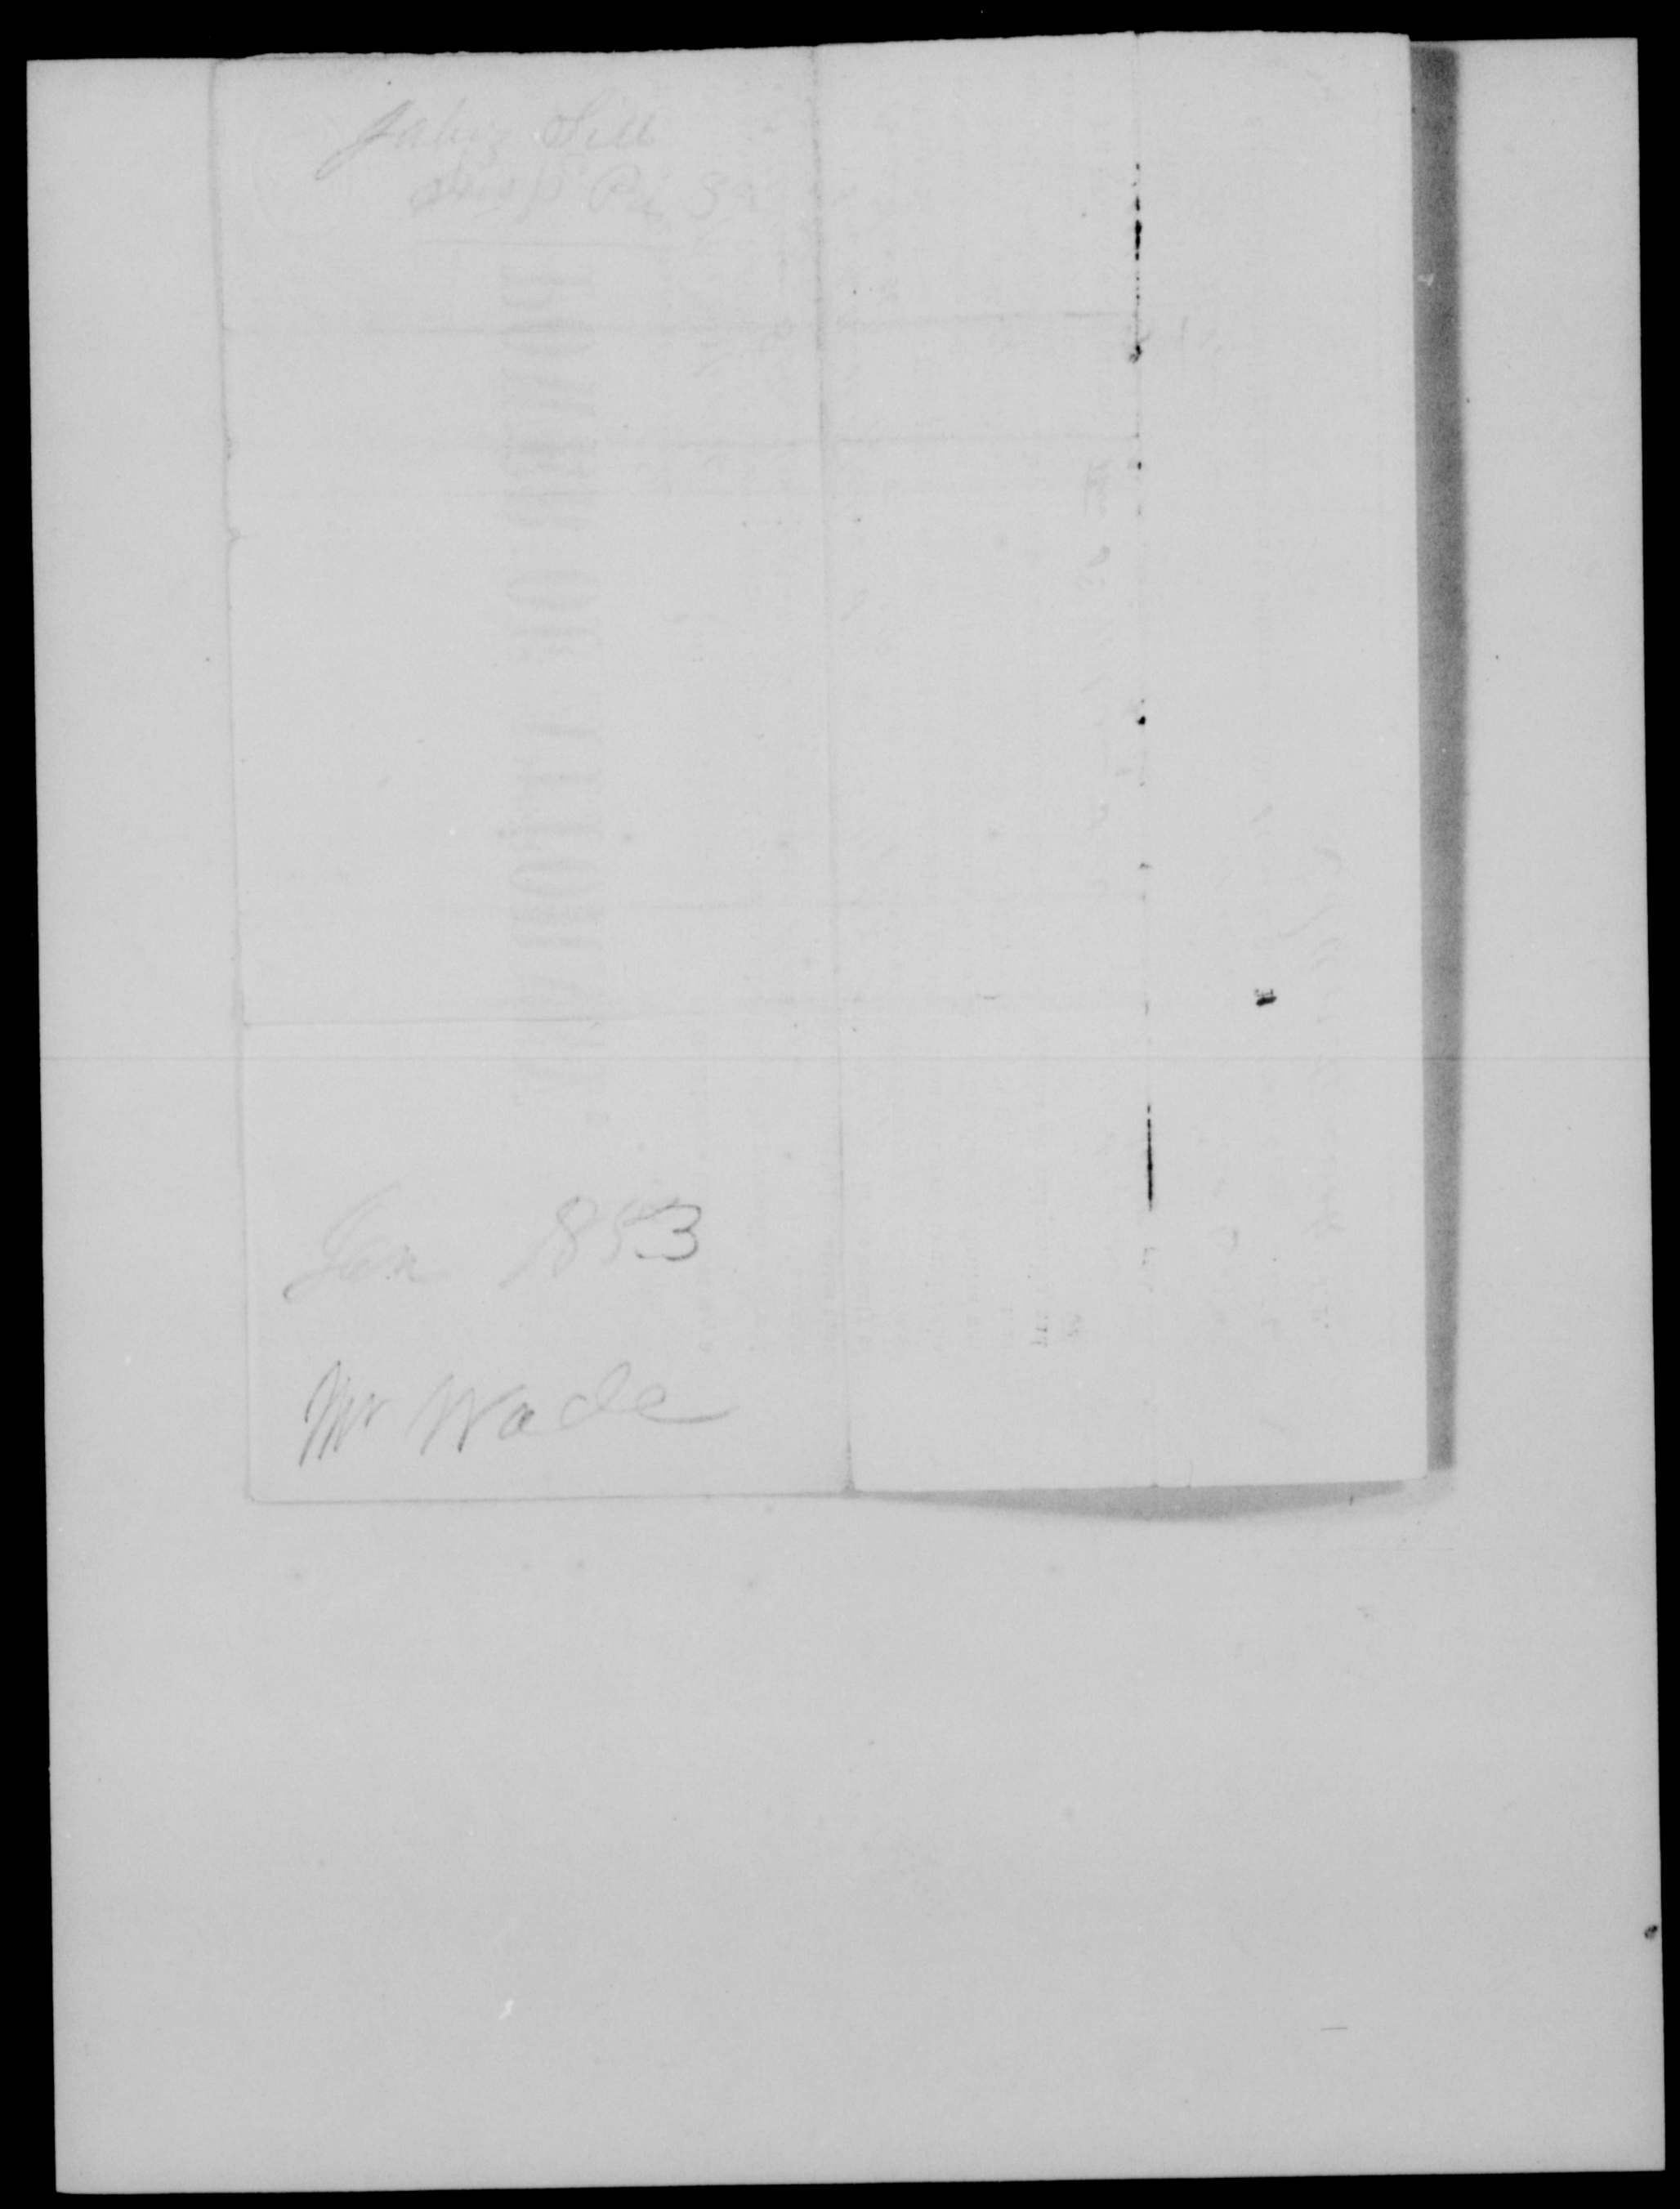Jabez Sill


Jan. 1813
Mr. Wade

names: [BLANK] Wade; Jabez Sill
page: 8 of 29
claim: rejected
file: R. 9570, for Jabez Sill, Connecticut